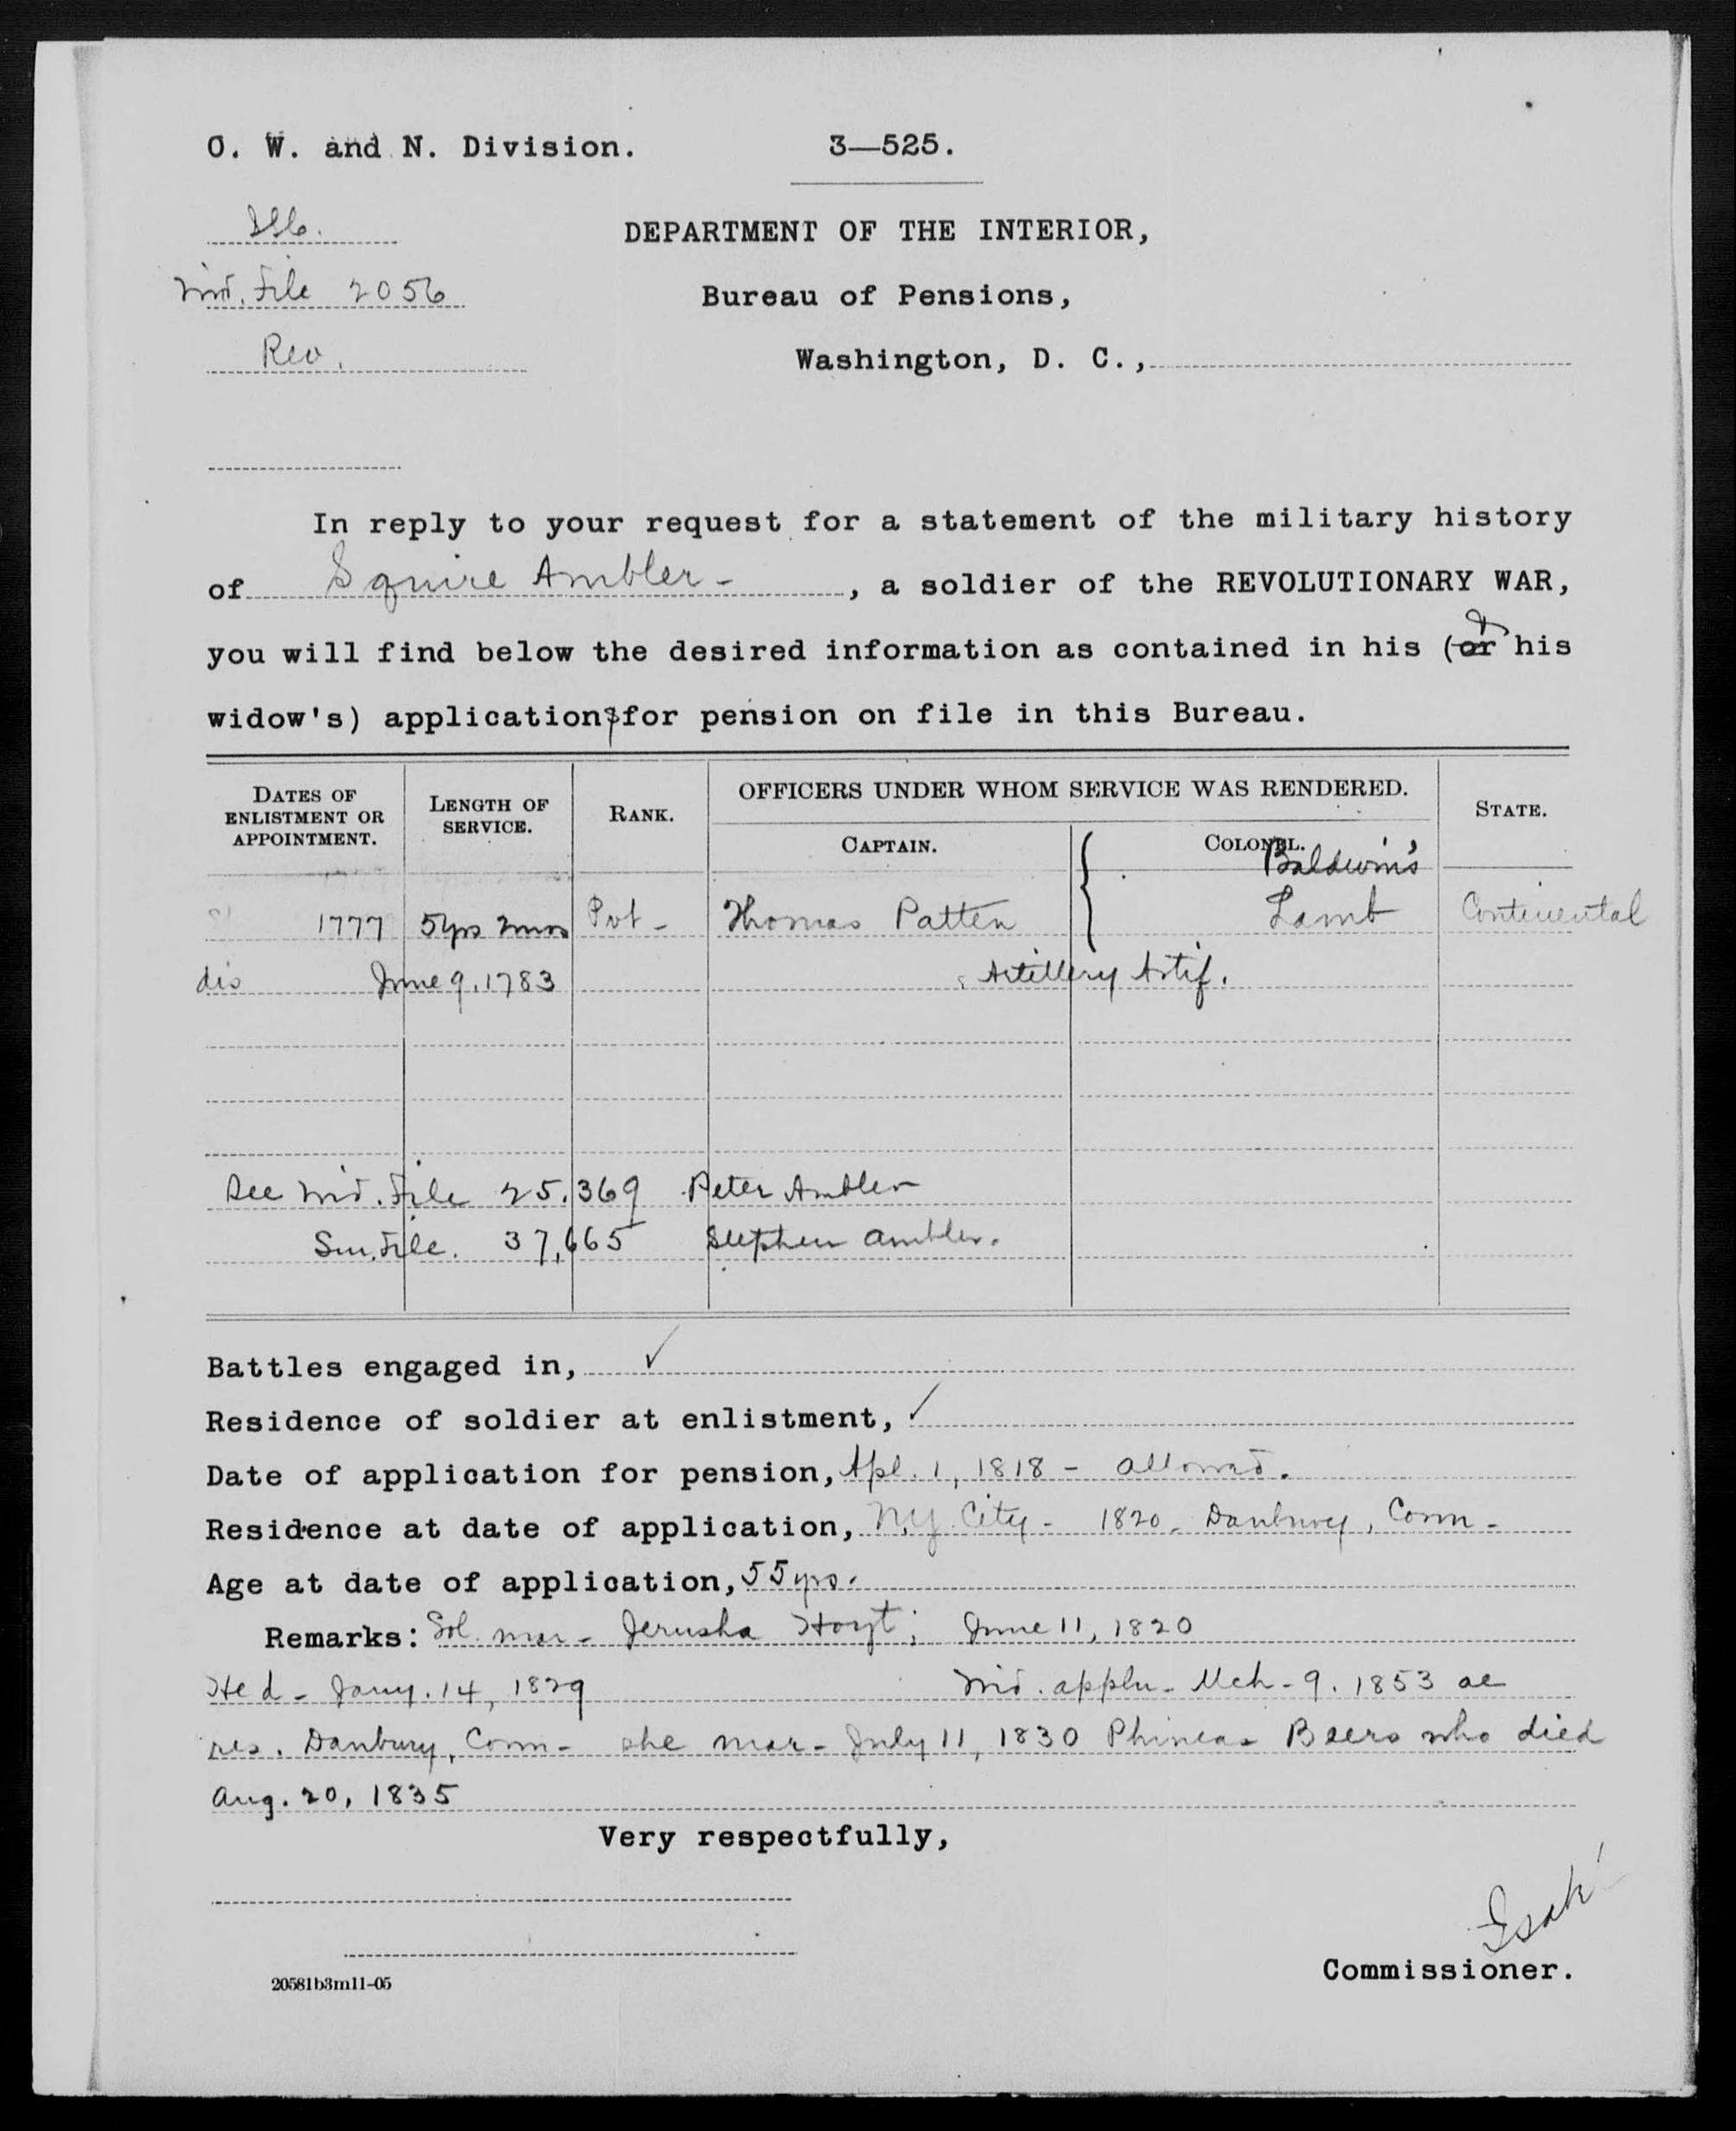O. W. and N. Division.
3 - 525.
^[Illegible] file 2056 Rev.
DEPARTMENT OF THE INTERIOR,
Bureau of Pensions,
Washington, D. C.,
In reply to your request for a statement of the  military history of Squire Ambler, a soldier of the REVOLUTIONARY WAR, you will find below the desired information as contained in his (^& [crossed out: "or"] his
widow's) application^s for pension on file in this Bureau.

[Column Headings. DATES OF ENLISTMENT OR
APPOINTMENT. LENGTH OF
SERVICE. RANK. OFFICERS UNDER WHOM SERVICE WAS RENDERED. CAPTAIN. COLONEL. STATE.

1777. 5 yrs 2 mos ^dis [discharge] June 9, 1783. Pvt. [Private]. Thomas Patten. Baldwin's Lamb. ^Artillery Artif. [Artificer]. Continental.

See [illegible] file 25.369 Peter Ambler
See File 37.665 Stephen Ambler

Battles engaged in, [checkmark]
Residence of soldier at enlistment, [checkmark]
Date of application for pension, Apl [April] 1, 1818 - allowed.
Residence at date of application, NY [New York] City. 1820, Danbury, Conn. [Connecticut]
Age at date of application, 55 yrs. [years]
Remarks: Sol. mar. [sole marriage], Jerusha Hoyt, June 11, 1820
Died. Jany. [January] 14, 1829
Md application [Made application], Mch.[March]  9. 1853 ac
res. [residence] Danbury, Conn. she mar. July 11, 1830  Phineas Beers who died Aug. 20, 1835
Very respectfully,
Commissioner. [initialed Isah']

20581b3m11-05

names: Isak, Squire Ambler, Phineas Beers, Stephen Ambler, Peter Ambler, Thomas Patten, Jerusha Hoyt, Lamb, Baldwins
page: 29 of 39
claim: widow's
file: W. 2,056, Squire Ambler, Continental (Sol. Res. In N.Y. & Conn.)